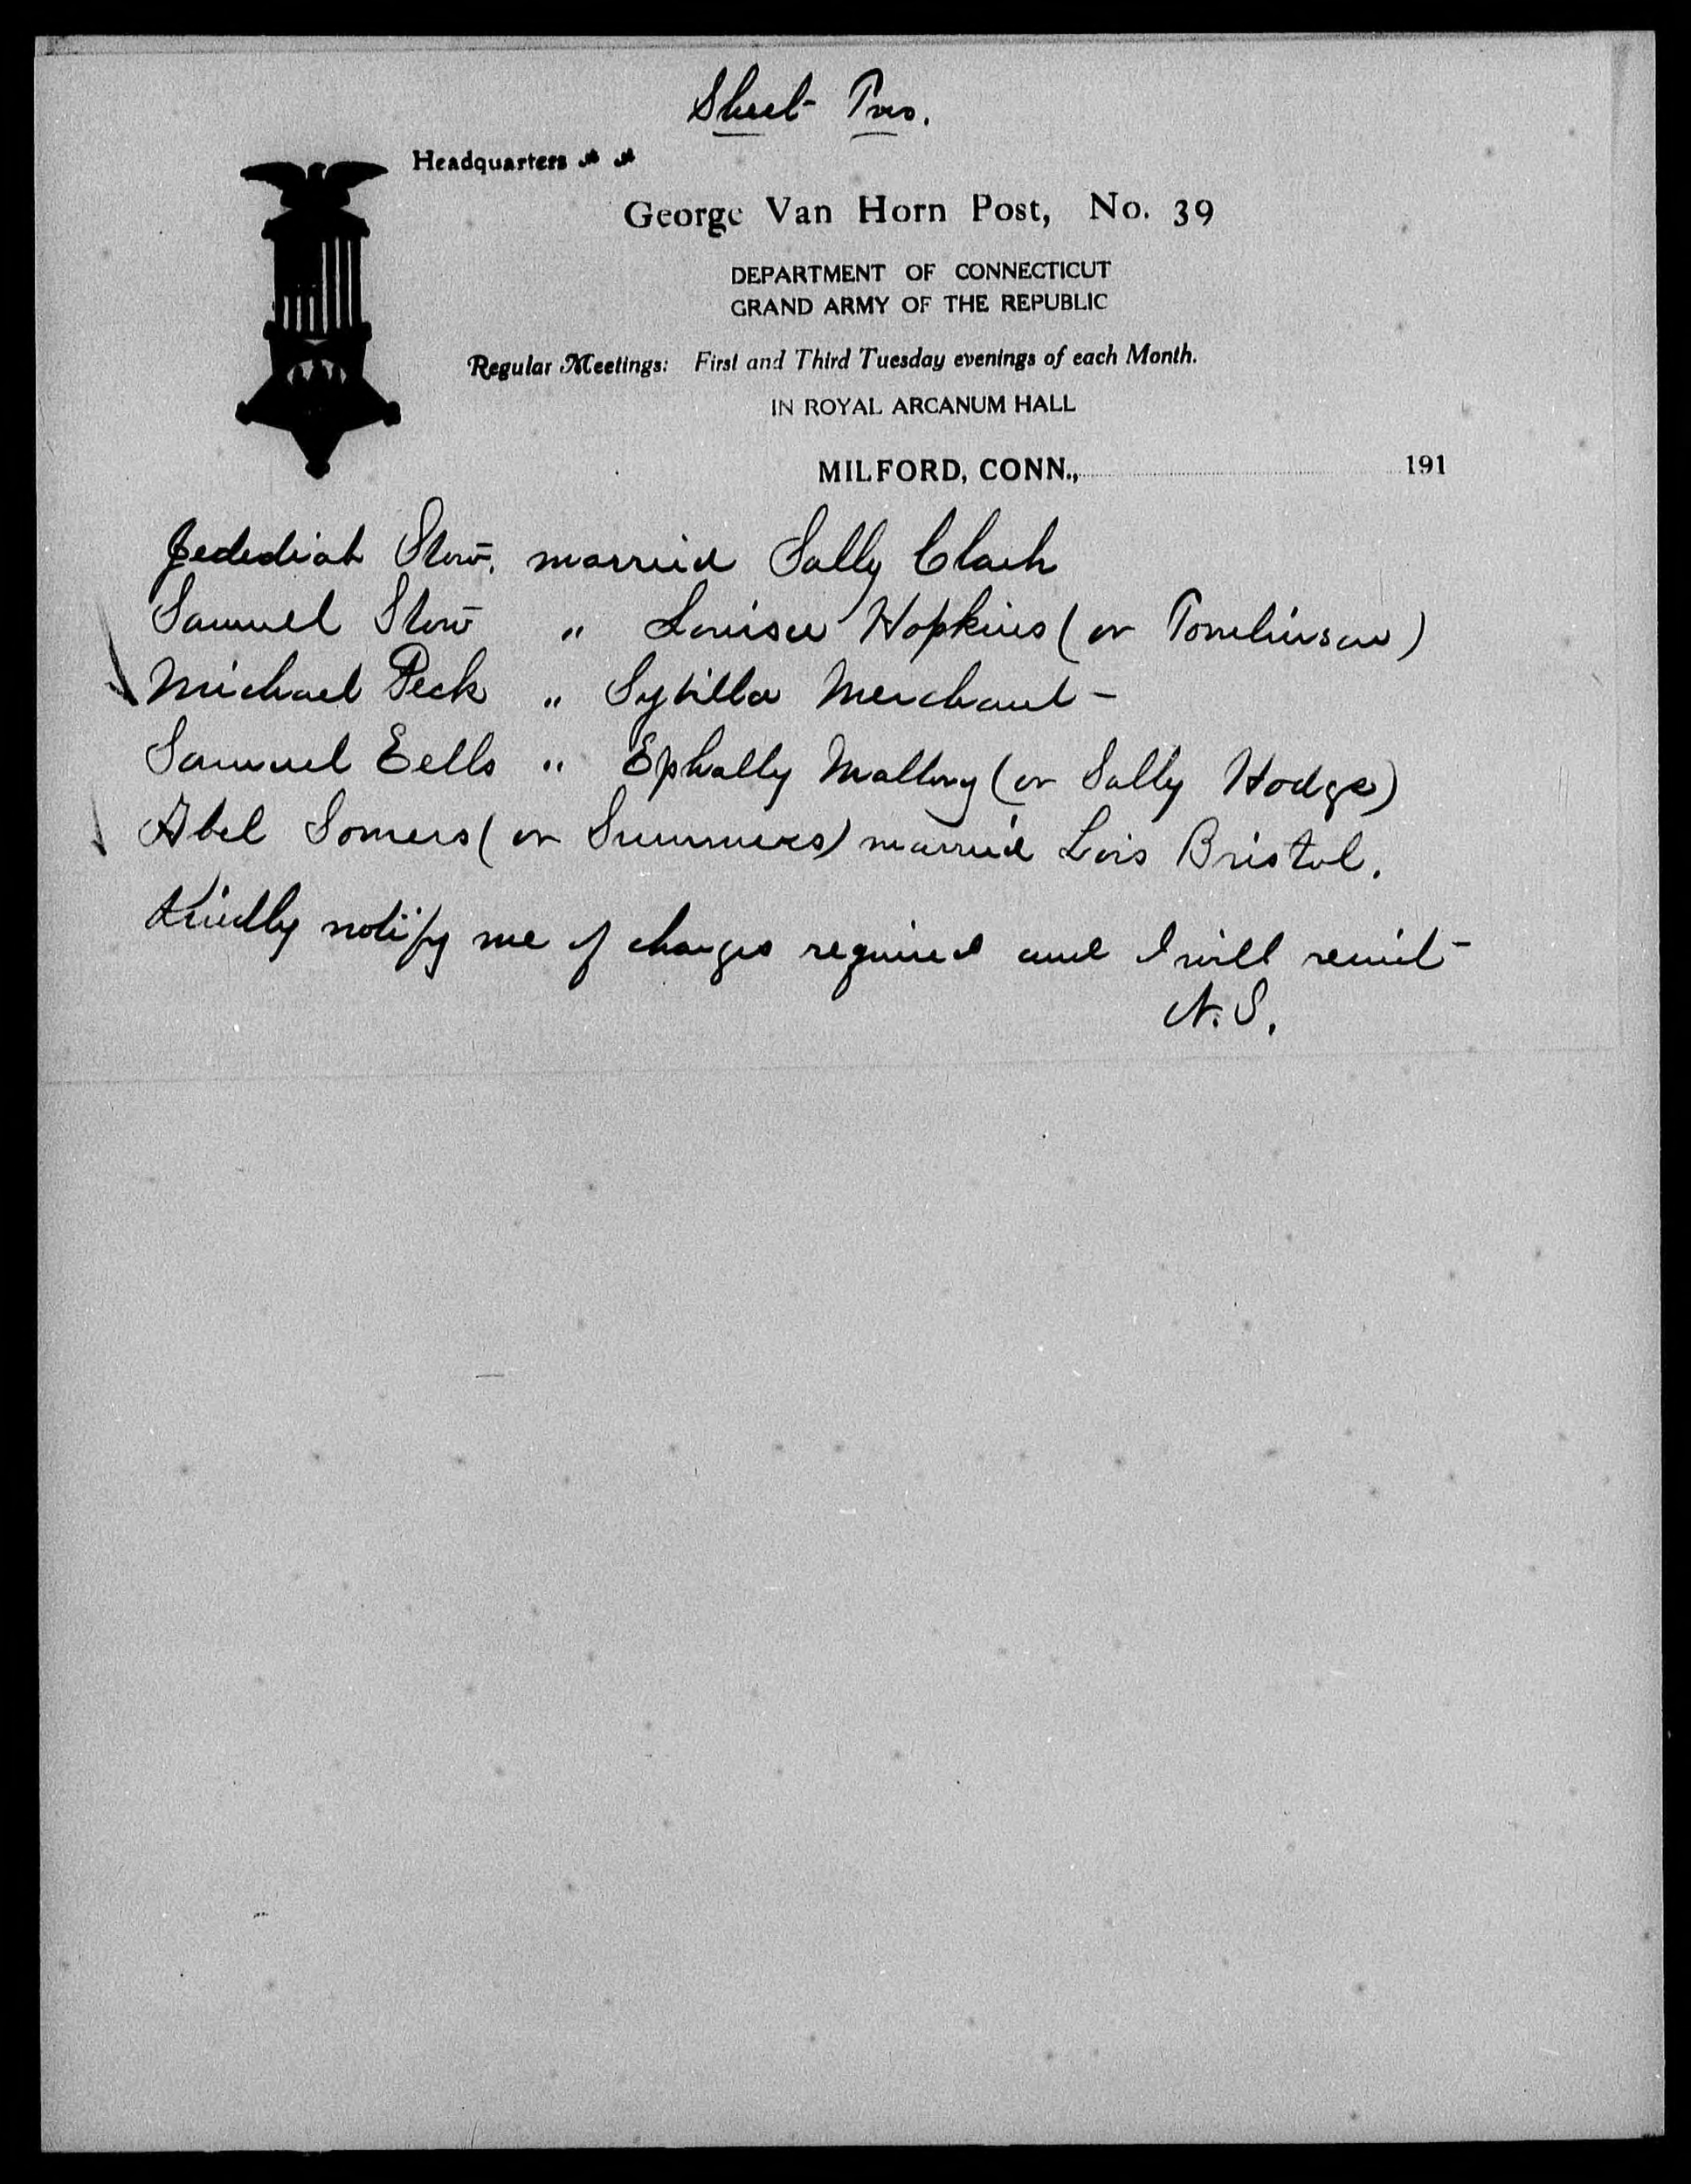Sheet Two
Headquarters
George Van Horn Post, No. 39 Rev. Ser.

DEPARTMENT OF CONNECTICUT
GRAND ARMY OF THE REPUBLIC
Regular Meetings;
First and Third Tuesday evenings of each Month
IN ROYAL ARCANUM HALL
MILFORD, CONN, Oct 12th 1915

Jedediah Stow - married Sally Clark
Samuel Stow - married Louisa Hopkins (or Tomlinson)
Michael Peck - married Syvilla Merchant
Samuel Eells - married Ephally Mallory (or Sally Hodge)
Abel Somers (or Summers) - married Lois Bristol

Kindly notify me of charges required and I will remit. - 
N.S.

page: 12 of 42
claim: survivor's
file: S. 36,819, for Samuel Stow, Connecticut